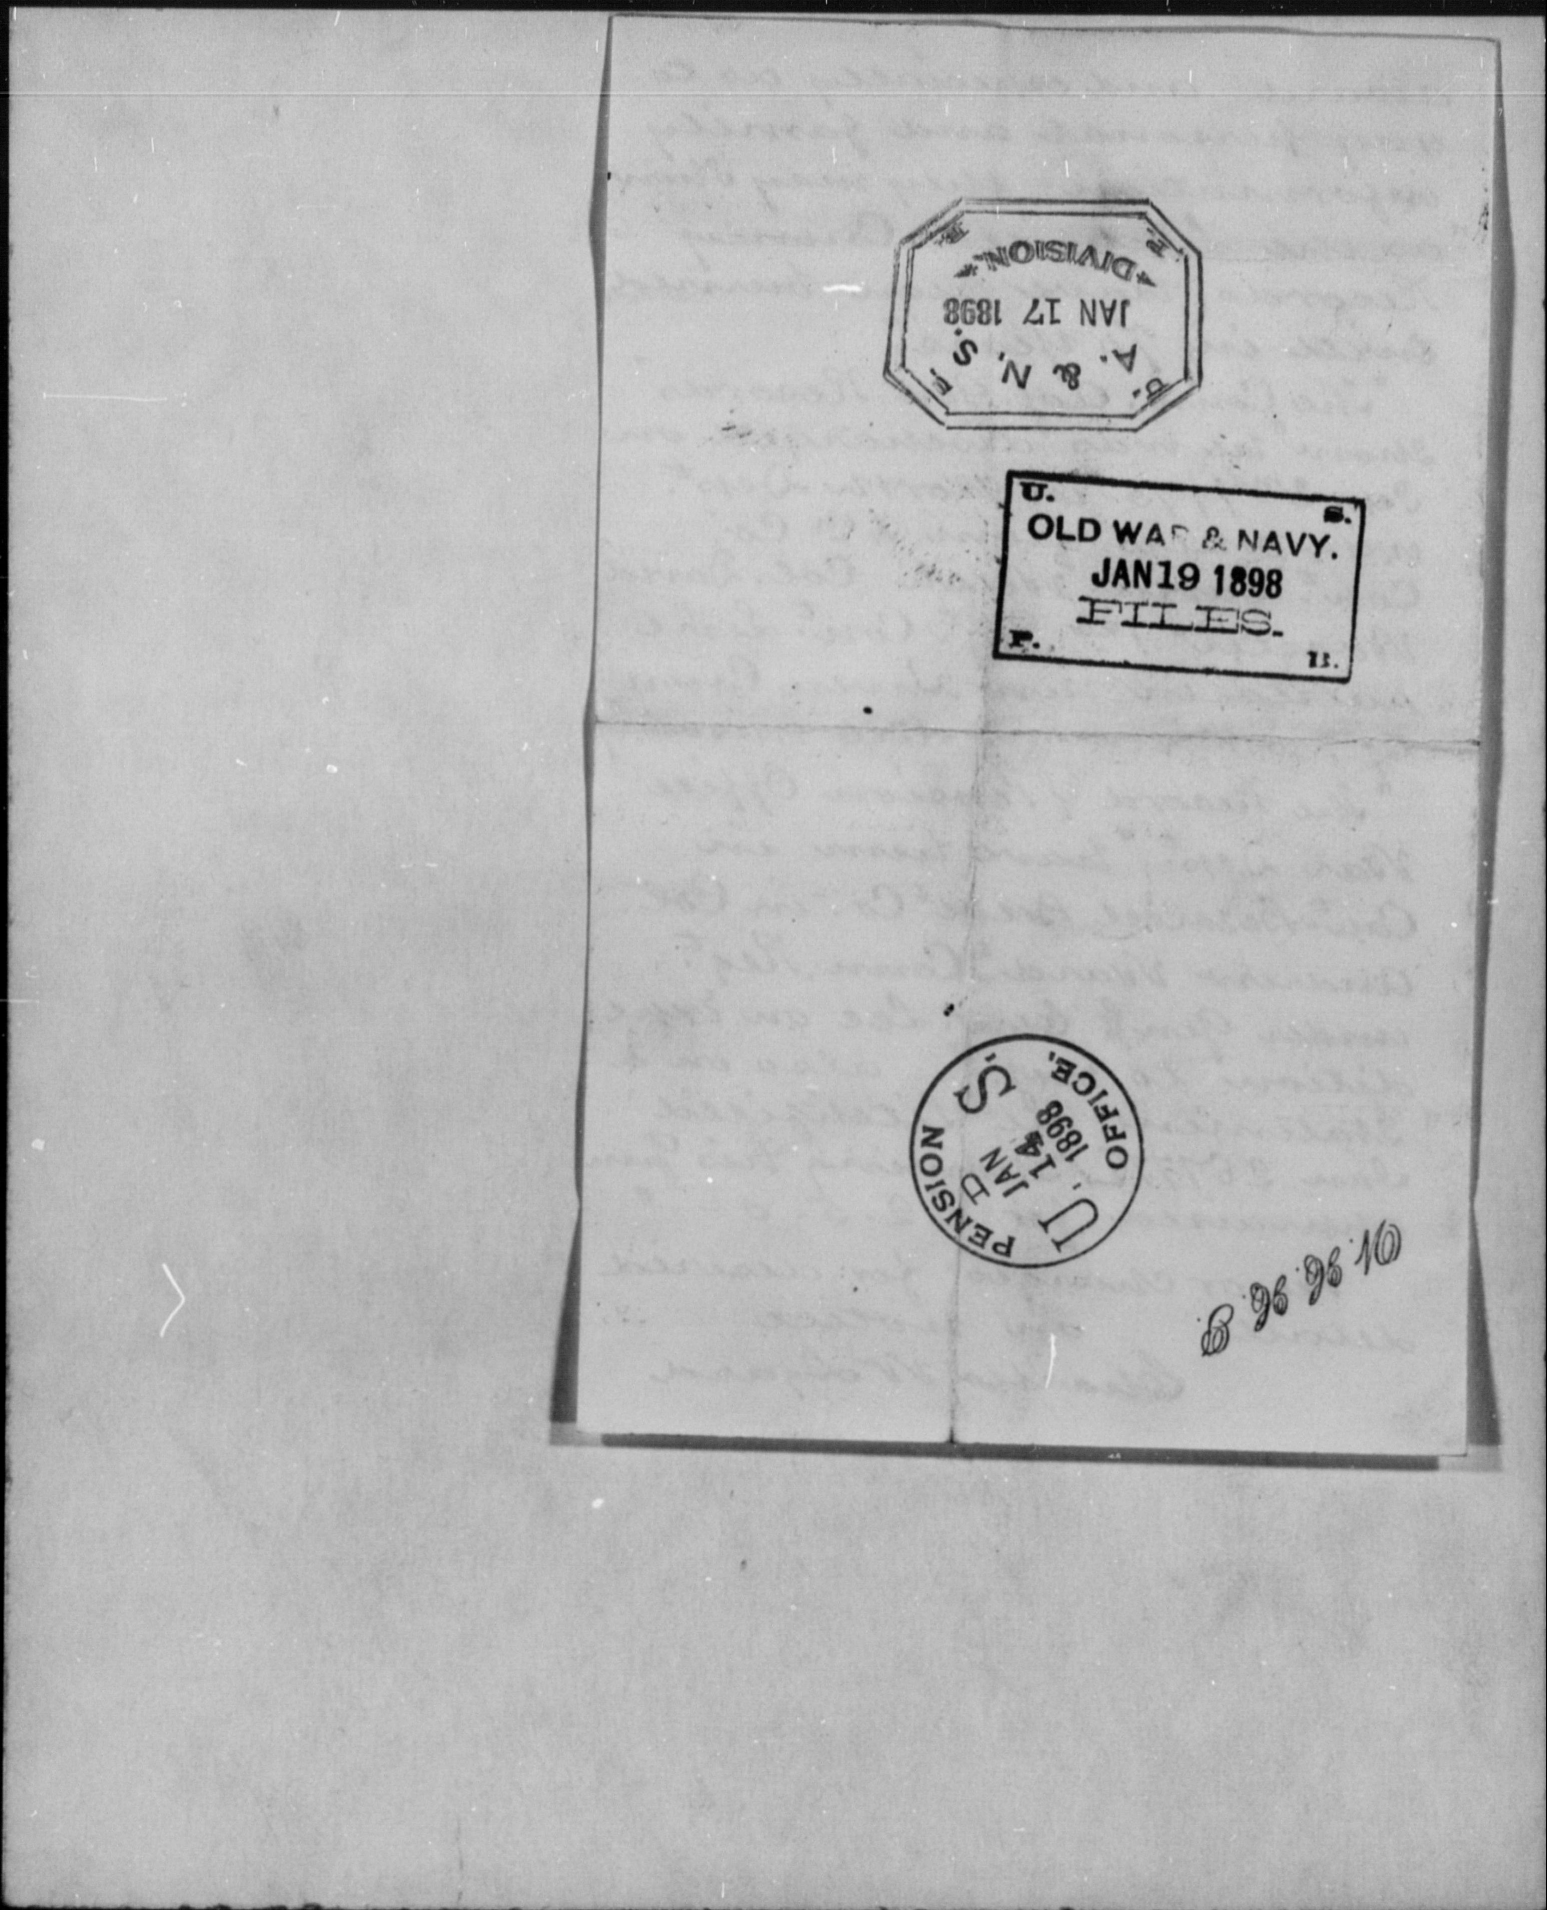A. & N. S. Division
Jan 17 1898 
U.S.P.B.
Old War & Navy Files
Jan 19 1898
U.S.P.B
U.S. Pension Office
Jan 14 1898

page: 17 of 19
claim: survivor's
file: S. 23,092, Hezekiah Agard, Conn.